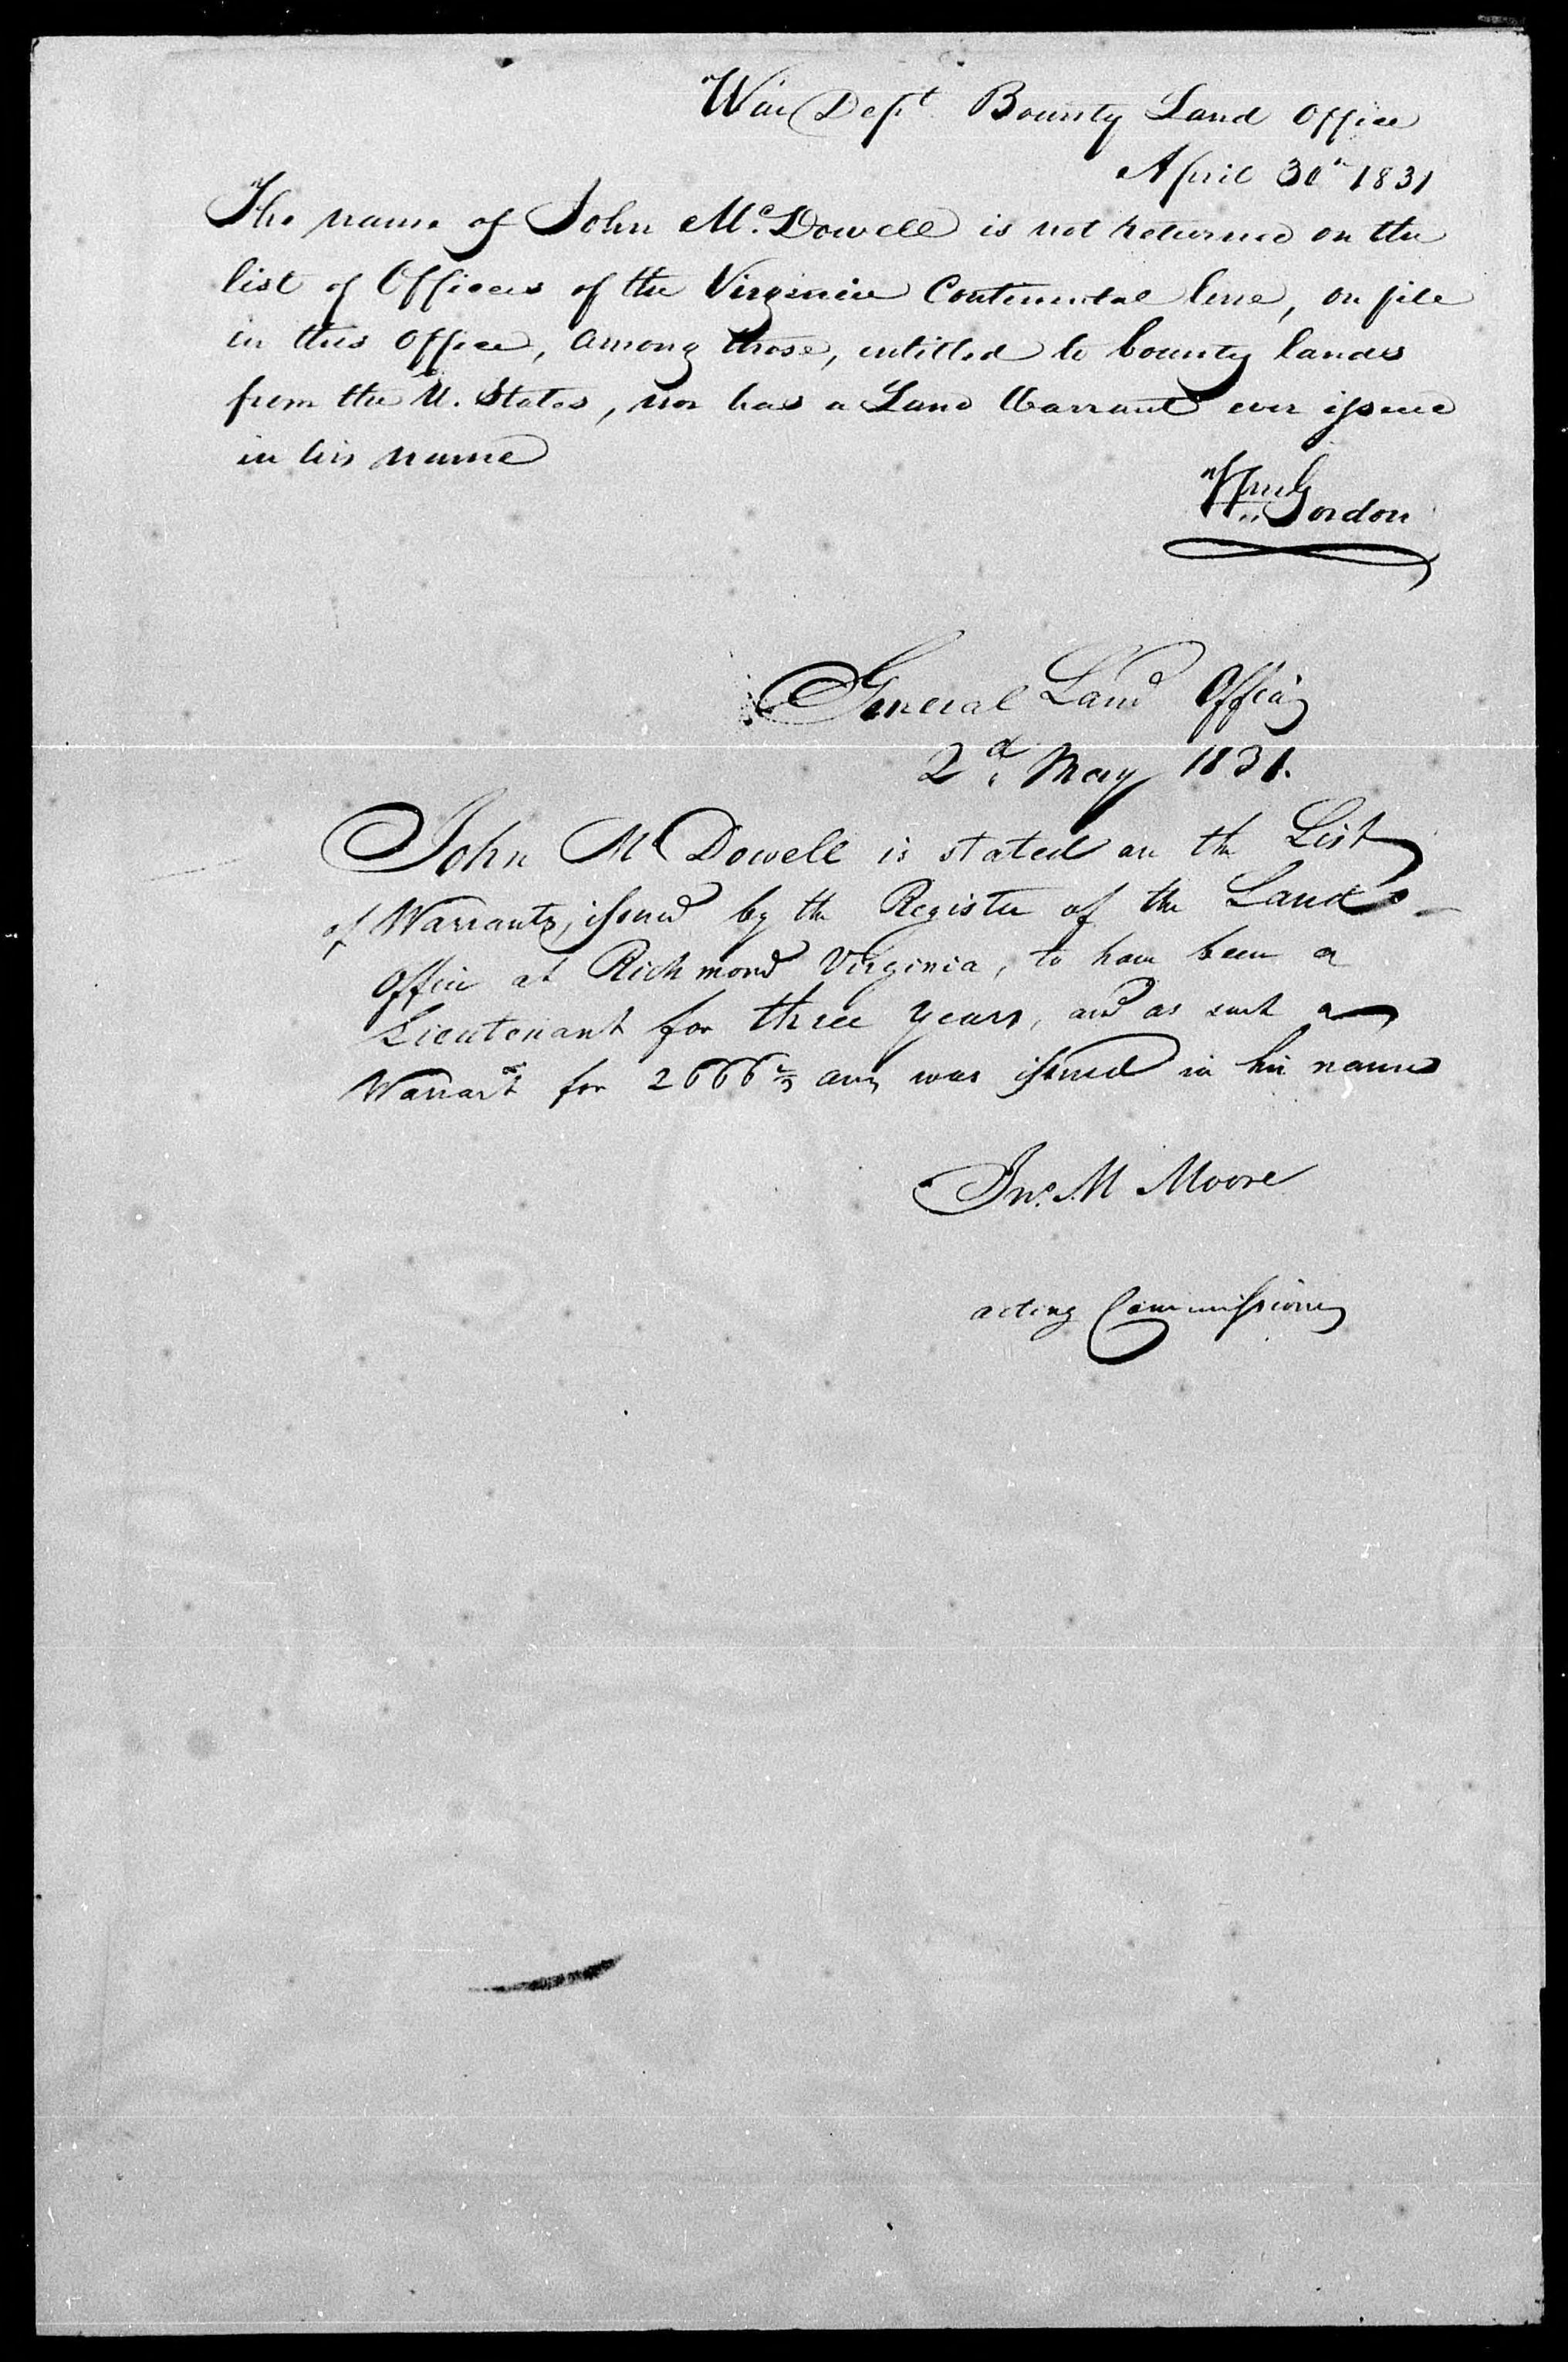War Department Bounty Land Office
April 31st 1831

The name of John McDowell is not returned on the
list of officers of the Virginia Continental line, on file
in this office, among those, entitled to bounty lands
from the U. States, son had a Land Warrant war issue
in his name
(signature of Wm. Gordon)

General Land Office
2nd May 1831.

John McDowell is stated on the List 
of Warrants [illegible] by the Register of the Land
Office at Richmond Virginia, to have been a
Lieutenant for three years, and as such a
Warrant for 2666 acres was issued in his name.
(signature of Jn. M. Moore)
acting commissioner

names: John Mc Dowell; Wm Gordon; Jno M Moore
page: 31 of 47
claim: survivor's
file: S. 30578, for John Mc Dowell, Virginia